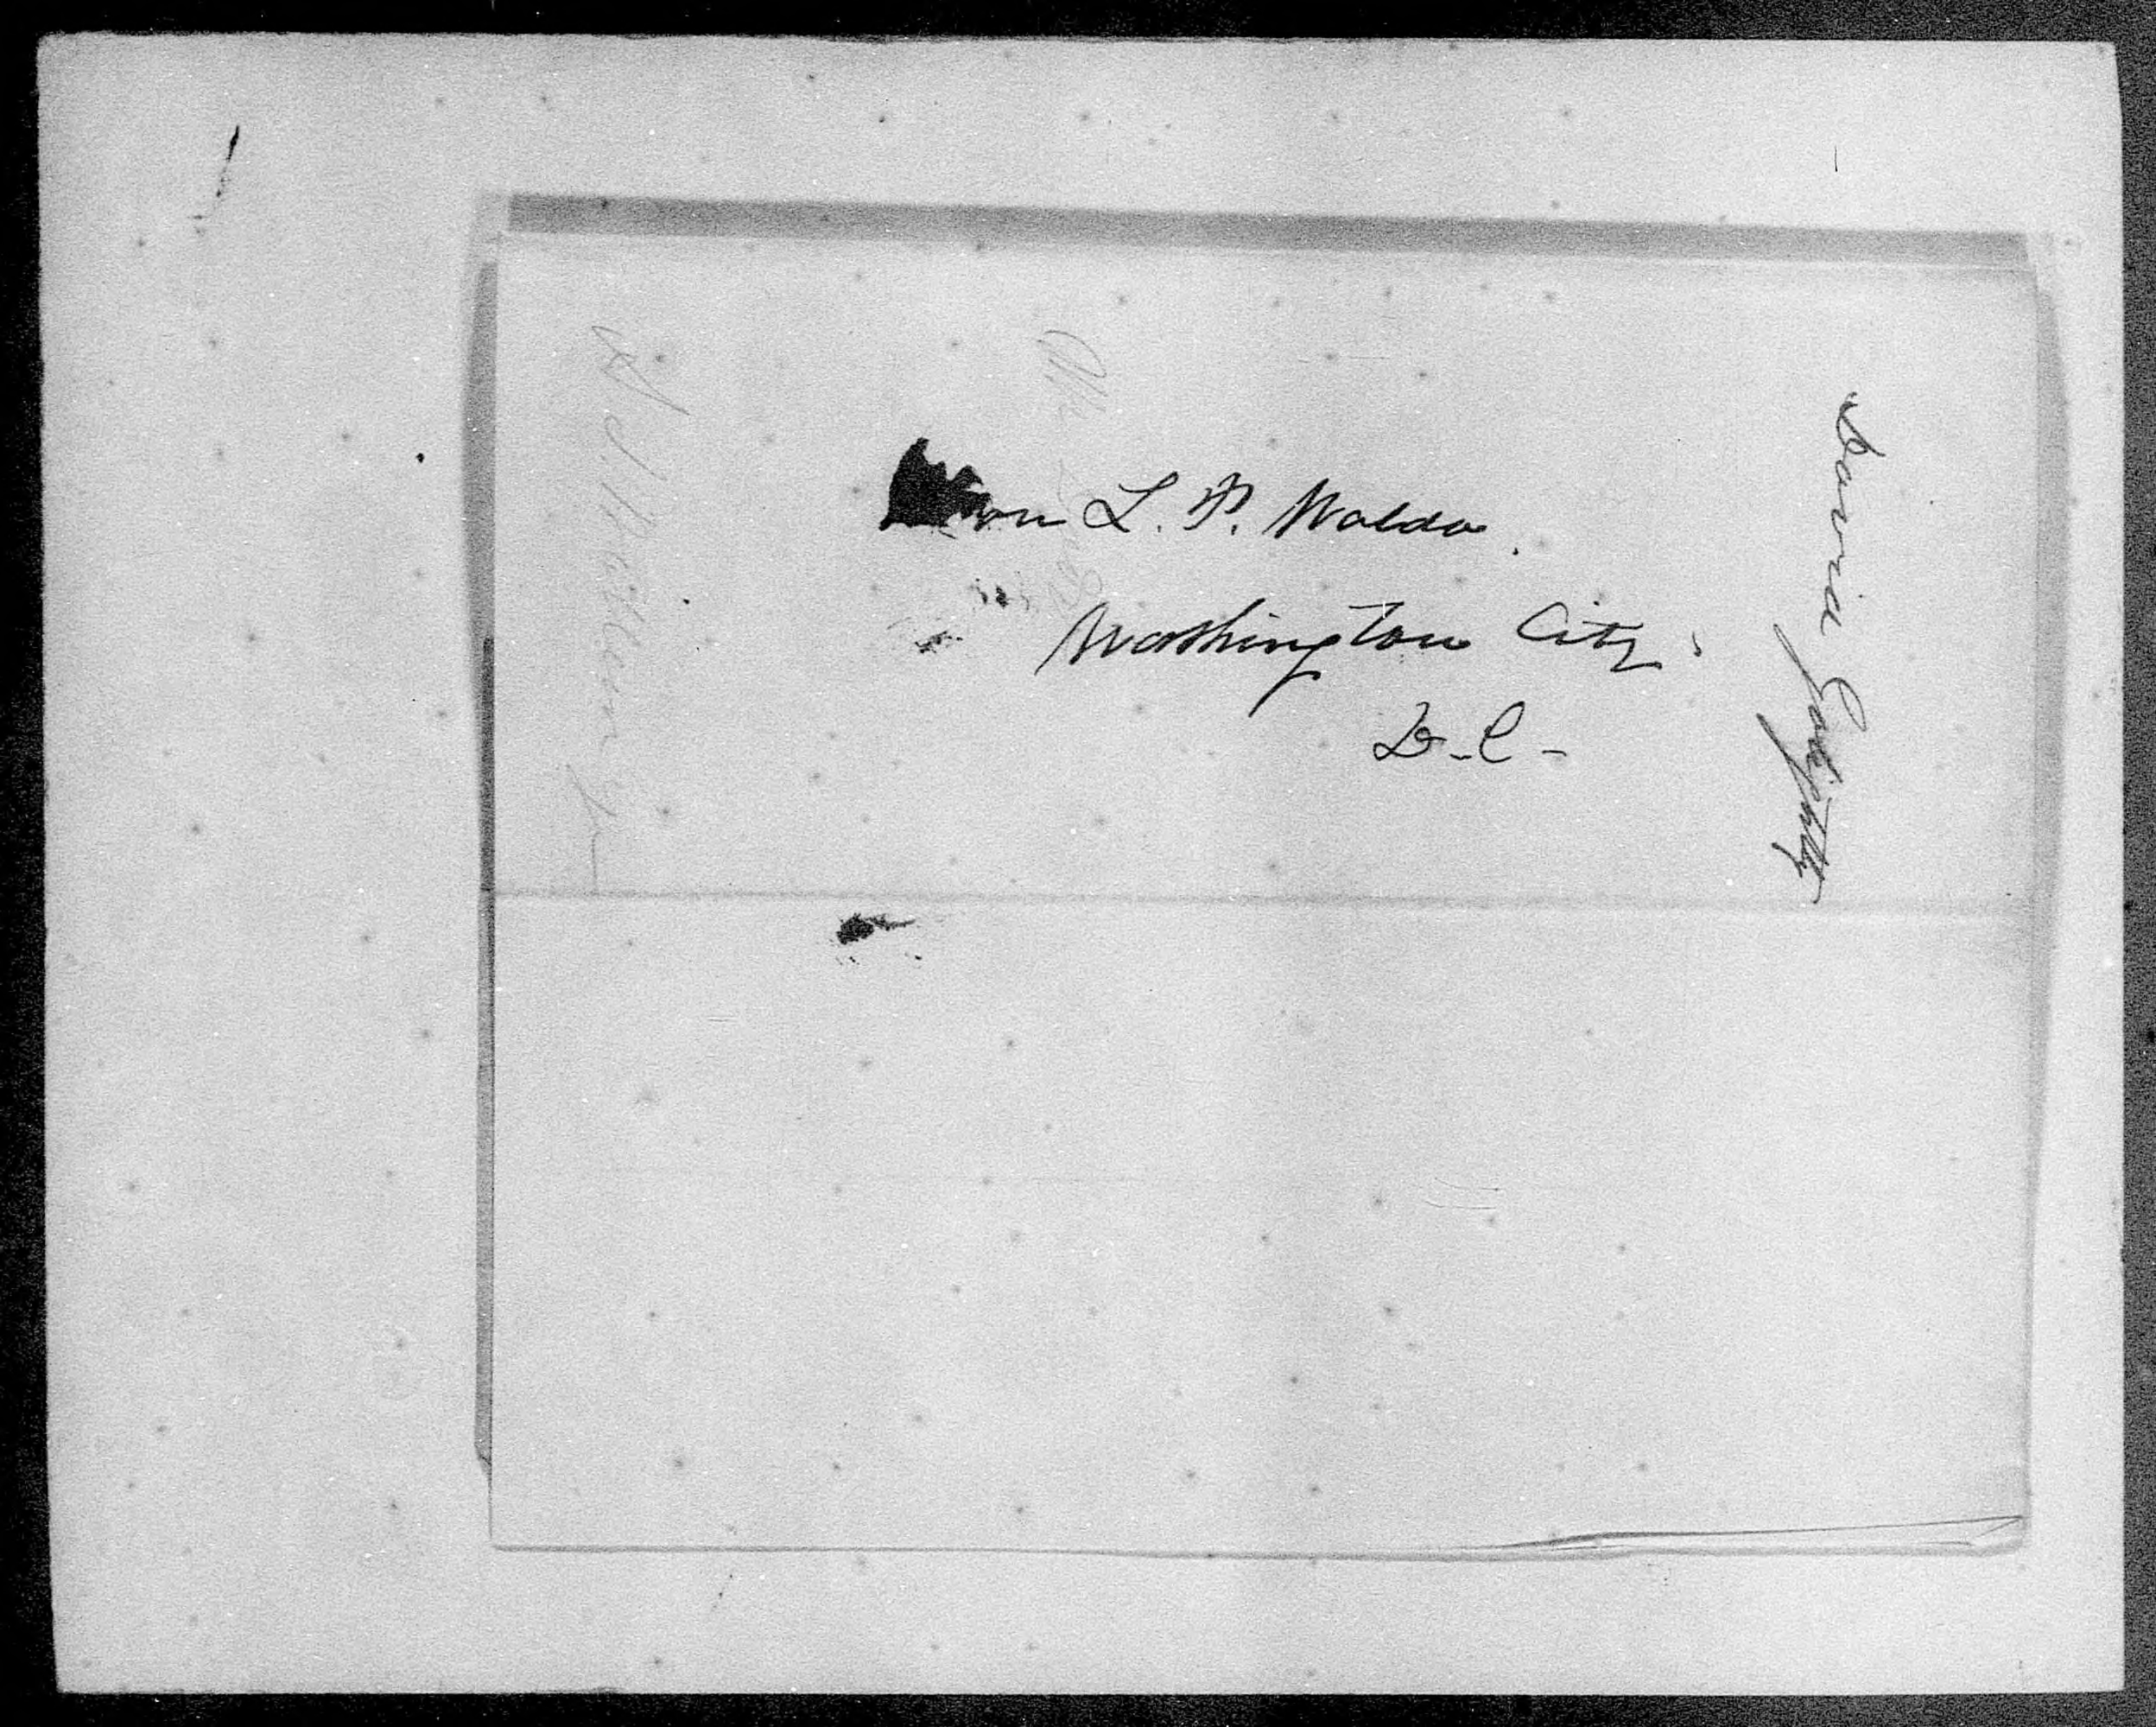Hon. L. P. Waldo
Washington City,
D.C.

David Golightly

A.S. Wallace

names: L P Waldo, A S Wallace, David Golightly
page: 18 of 57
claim: survivor's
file: S. 18888, David Golightly, S.C.